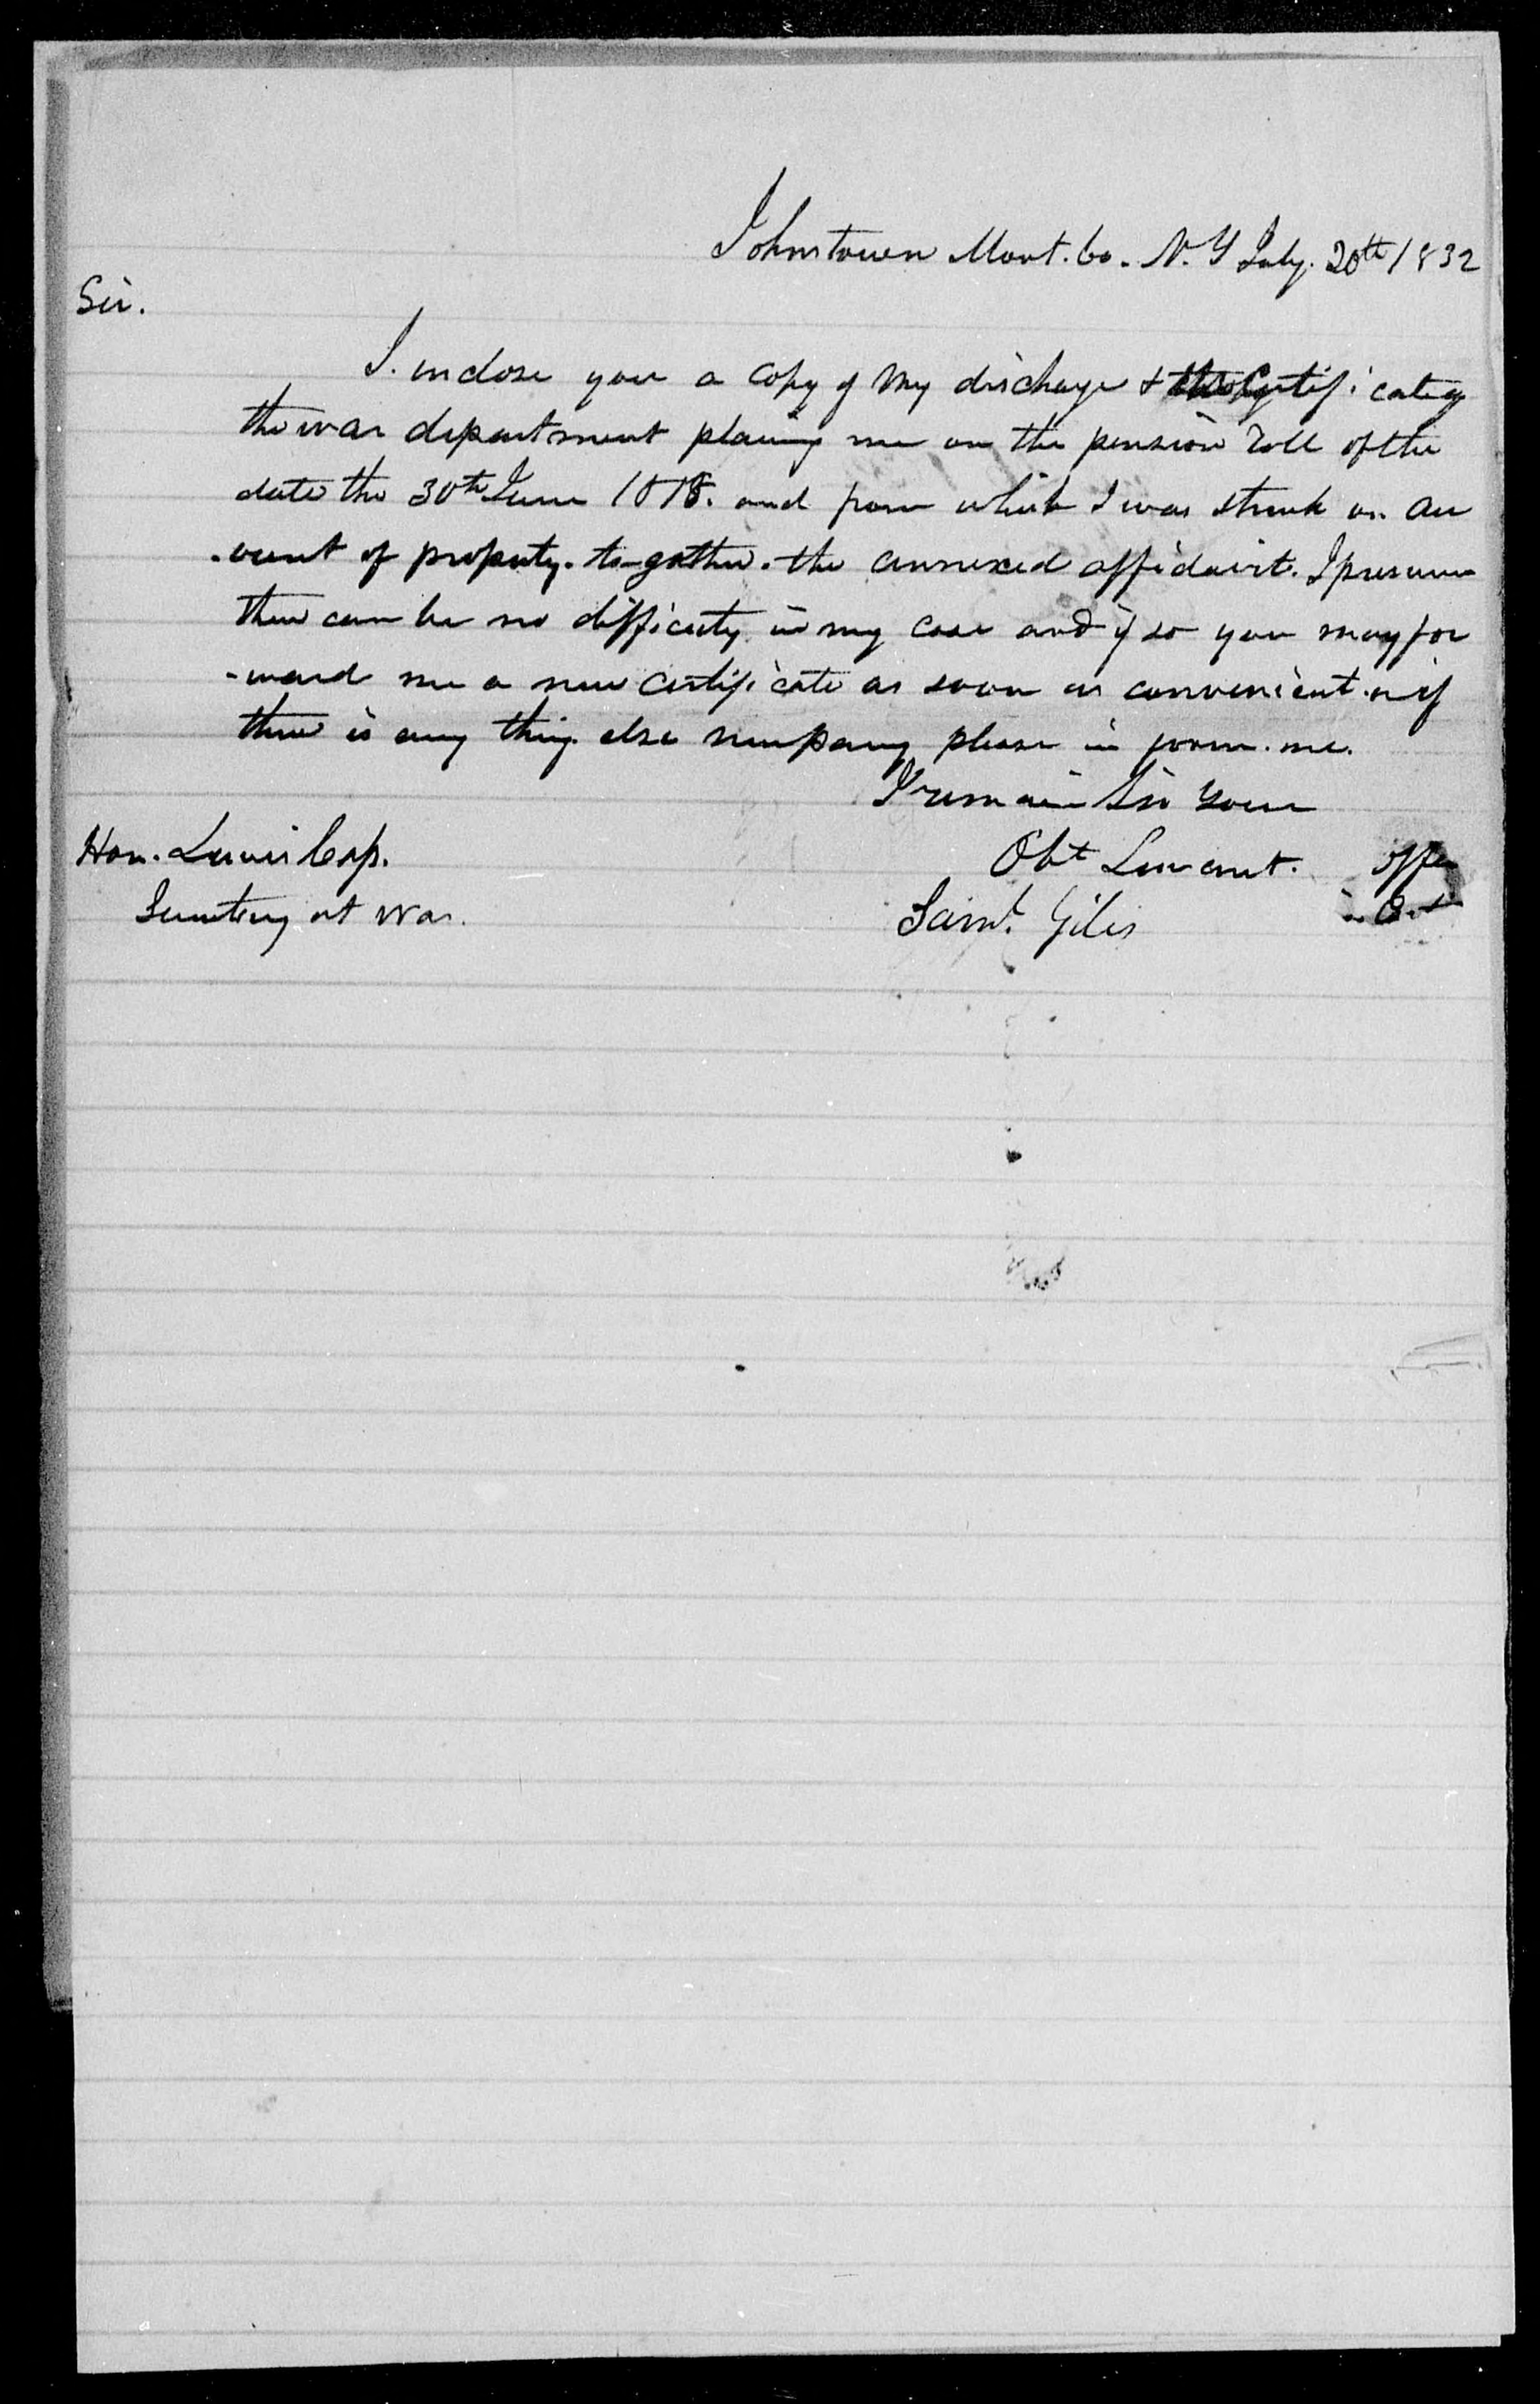Sir
Johnstown Mont. Co. N. Y July 20th 1832
I enclose you a copy of my discharge & the Certificate
the war department placing me on the pension roll of the
date the 30th June 1818, and from which I was struck on account of property, together, the annexed affidavit. I presume
there can be no difficulty in my case and if so you may forward me a new certificate as soon as convenient or
there is any thing else simply please inform me
I remain in your
Obt Sevant.
Saml Giles
Hon. Lewis Cass
Sectry at War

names: Saml Giles, Lewis Cass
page: 52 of 55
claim: widow's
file: W. 19503, Samuel Giles, Conti. Mass. New York